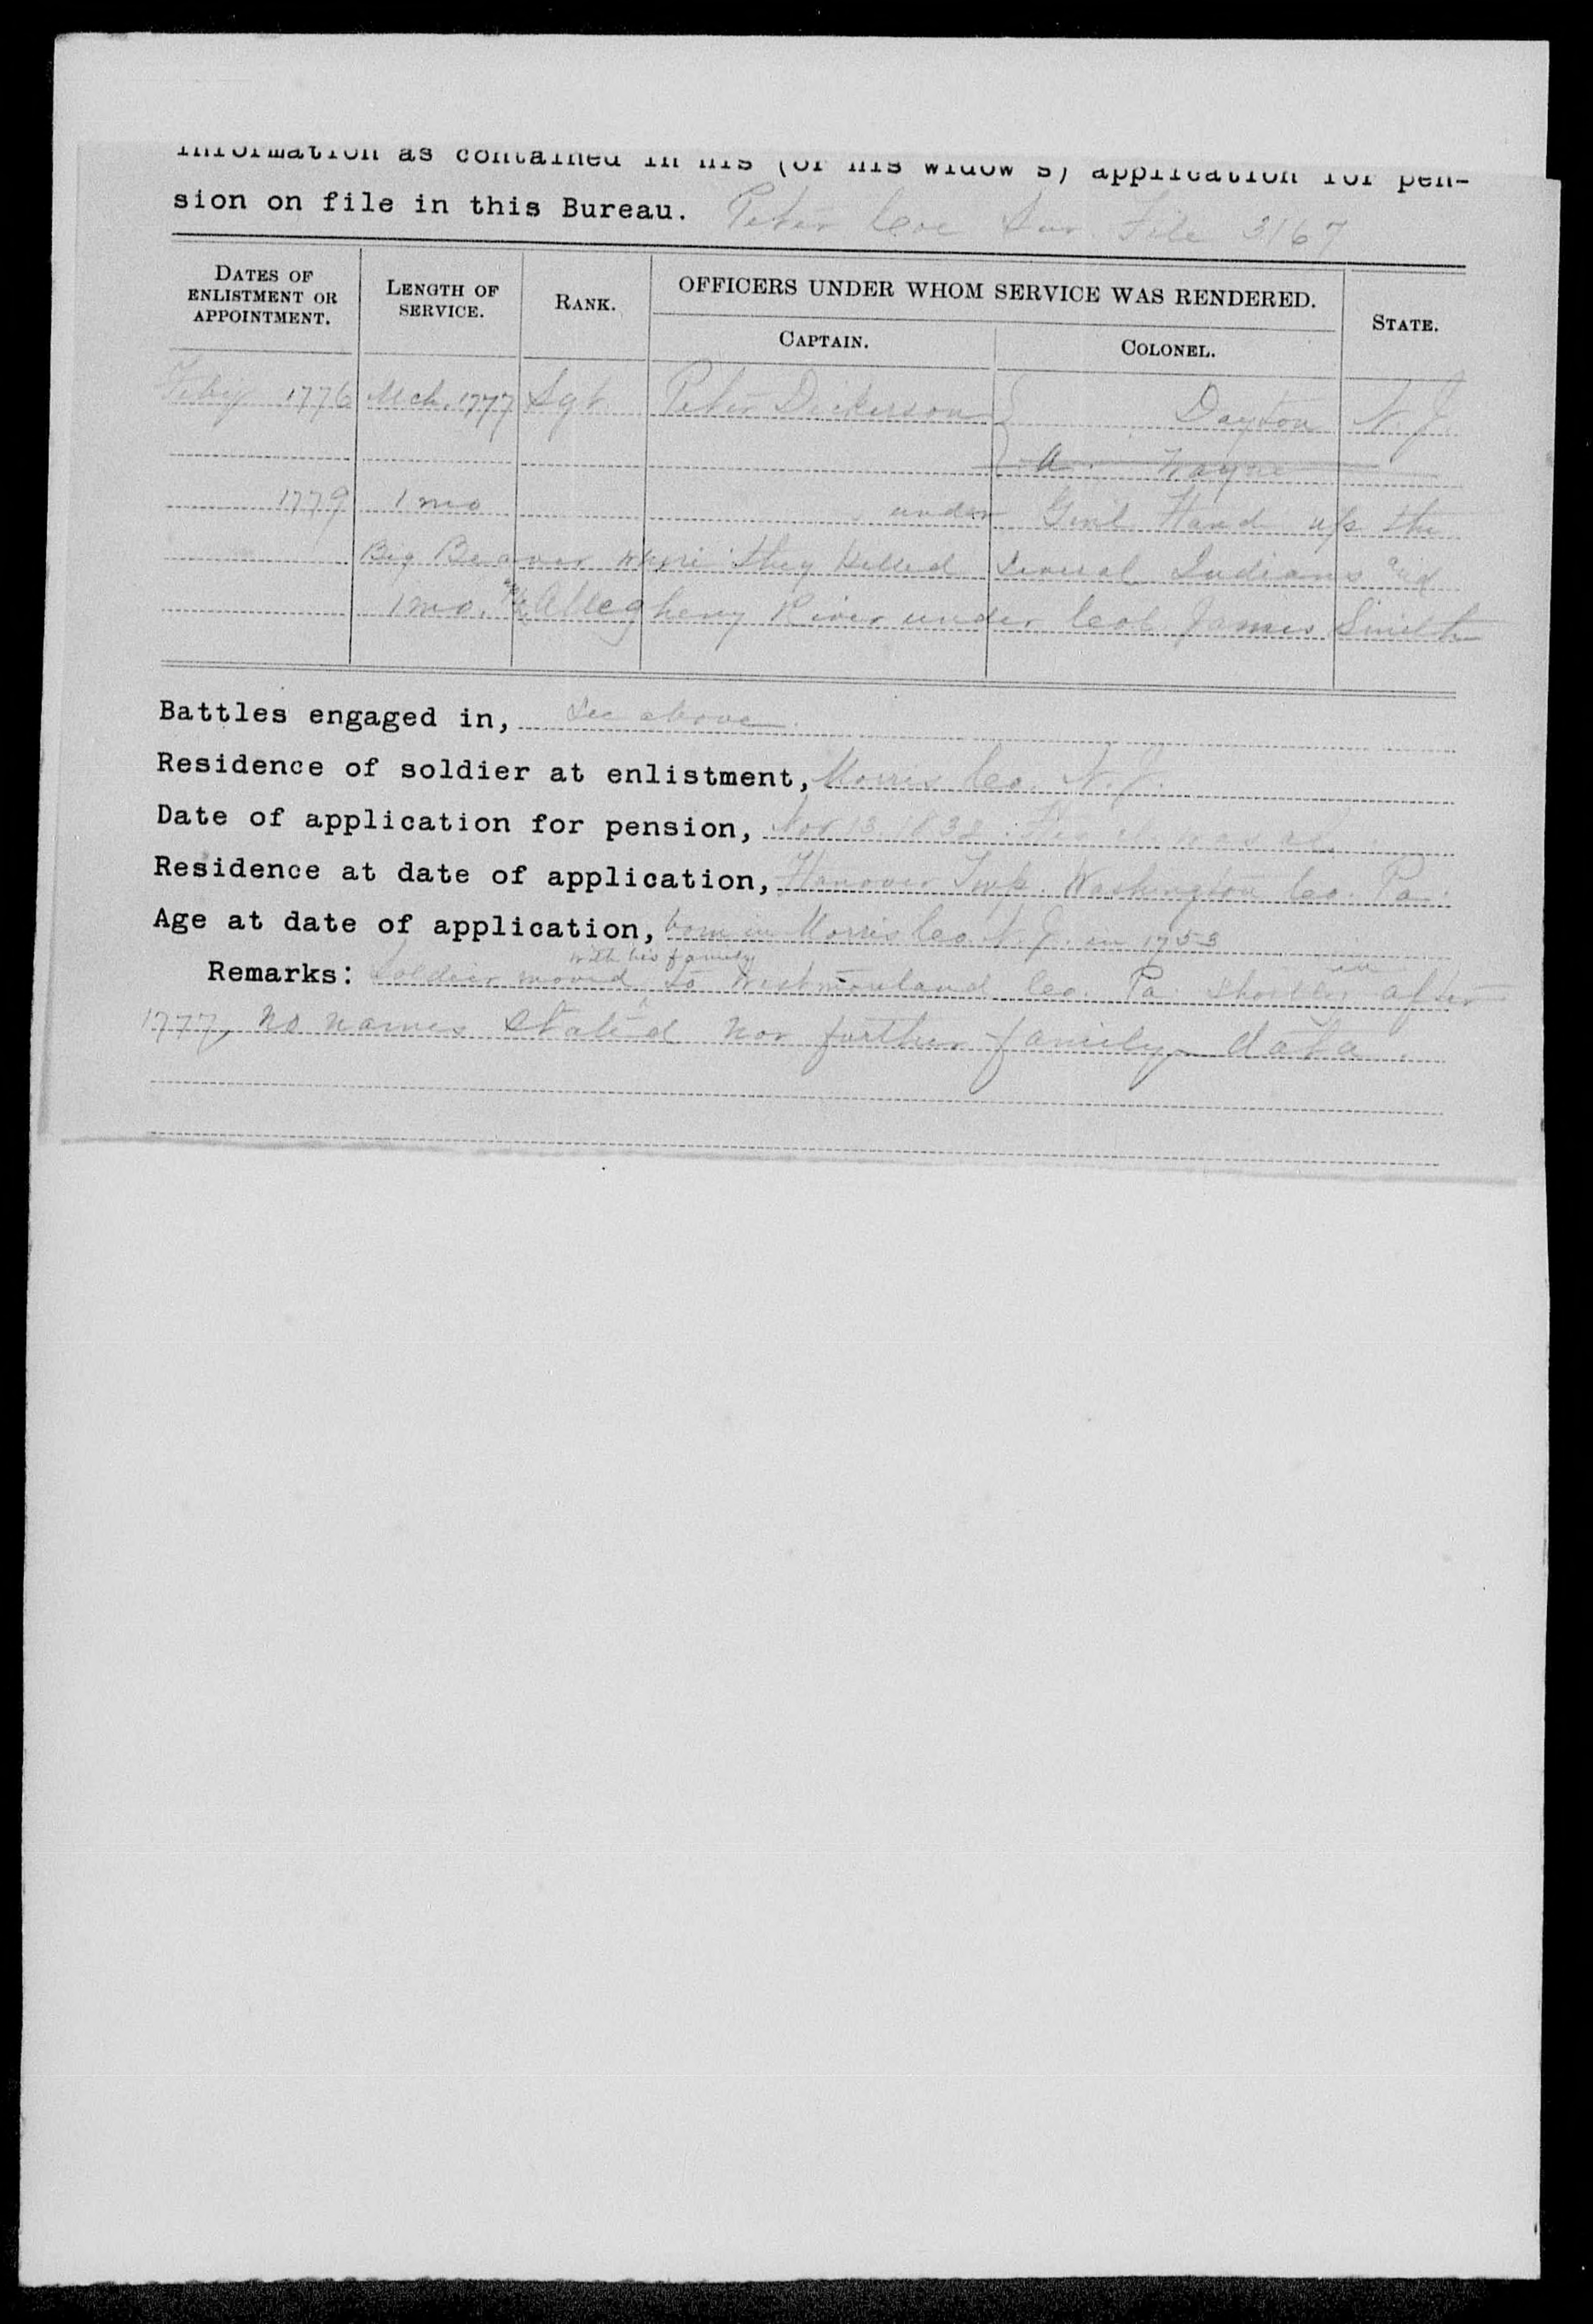[top half of document not shown]
widow s) application for pension on file in the Bureau. Peter Coe Sur. File 3167
DATES OF ENLISTMENT OR APPOINTMENT. Feby 1776/LENGTH OF SERVICE. Mch. 1777/RANK. Sgt/OFFICERS UNDER WHOM SERVICE WAS RENDERED. CAPTAIN. Peter Dickerson COLONEL. Dayton & A. Wayne/STATE. N.J.
DATES OF ENLISTMENT OR APPOINTMENT. 1779/LENGTH OF SERVICE. 1 mo./OFFICERS UNDER WHOM SERVICE WAS RENDERED. under Genl Hand [illegible] the Big Beaver where they killed several Indians and 1 mo. upper Allegheny River under Col. James Smith.

Battles engaged in, See above.
Residence of soldier at enlistment, Morris Co. N.J.
Date of application for pension, Nov 13, 1832. His [illegible]
Residence at date of application, Hanover Twp. Washington Co. Pa.
Age at date of application, born in Morris Co. N.J. in 1753
Remarks: Soldier moved with his family to Westmoreland Co. Pa. shortly after 1777, no names stated nor further family data.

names: James Smith, Dayton, Peter Dickison, Peter Coe, Hand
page: 23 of 23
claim: survivor's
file: S. 3167, Peter Coe, New Jersey Penn.